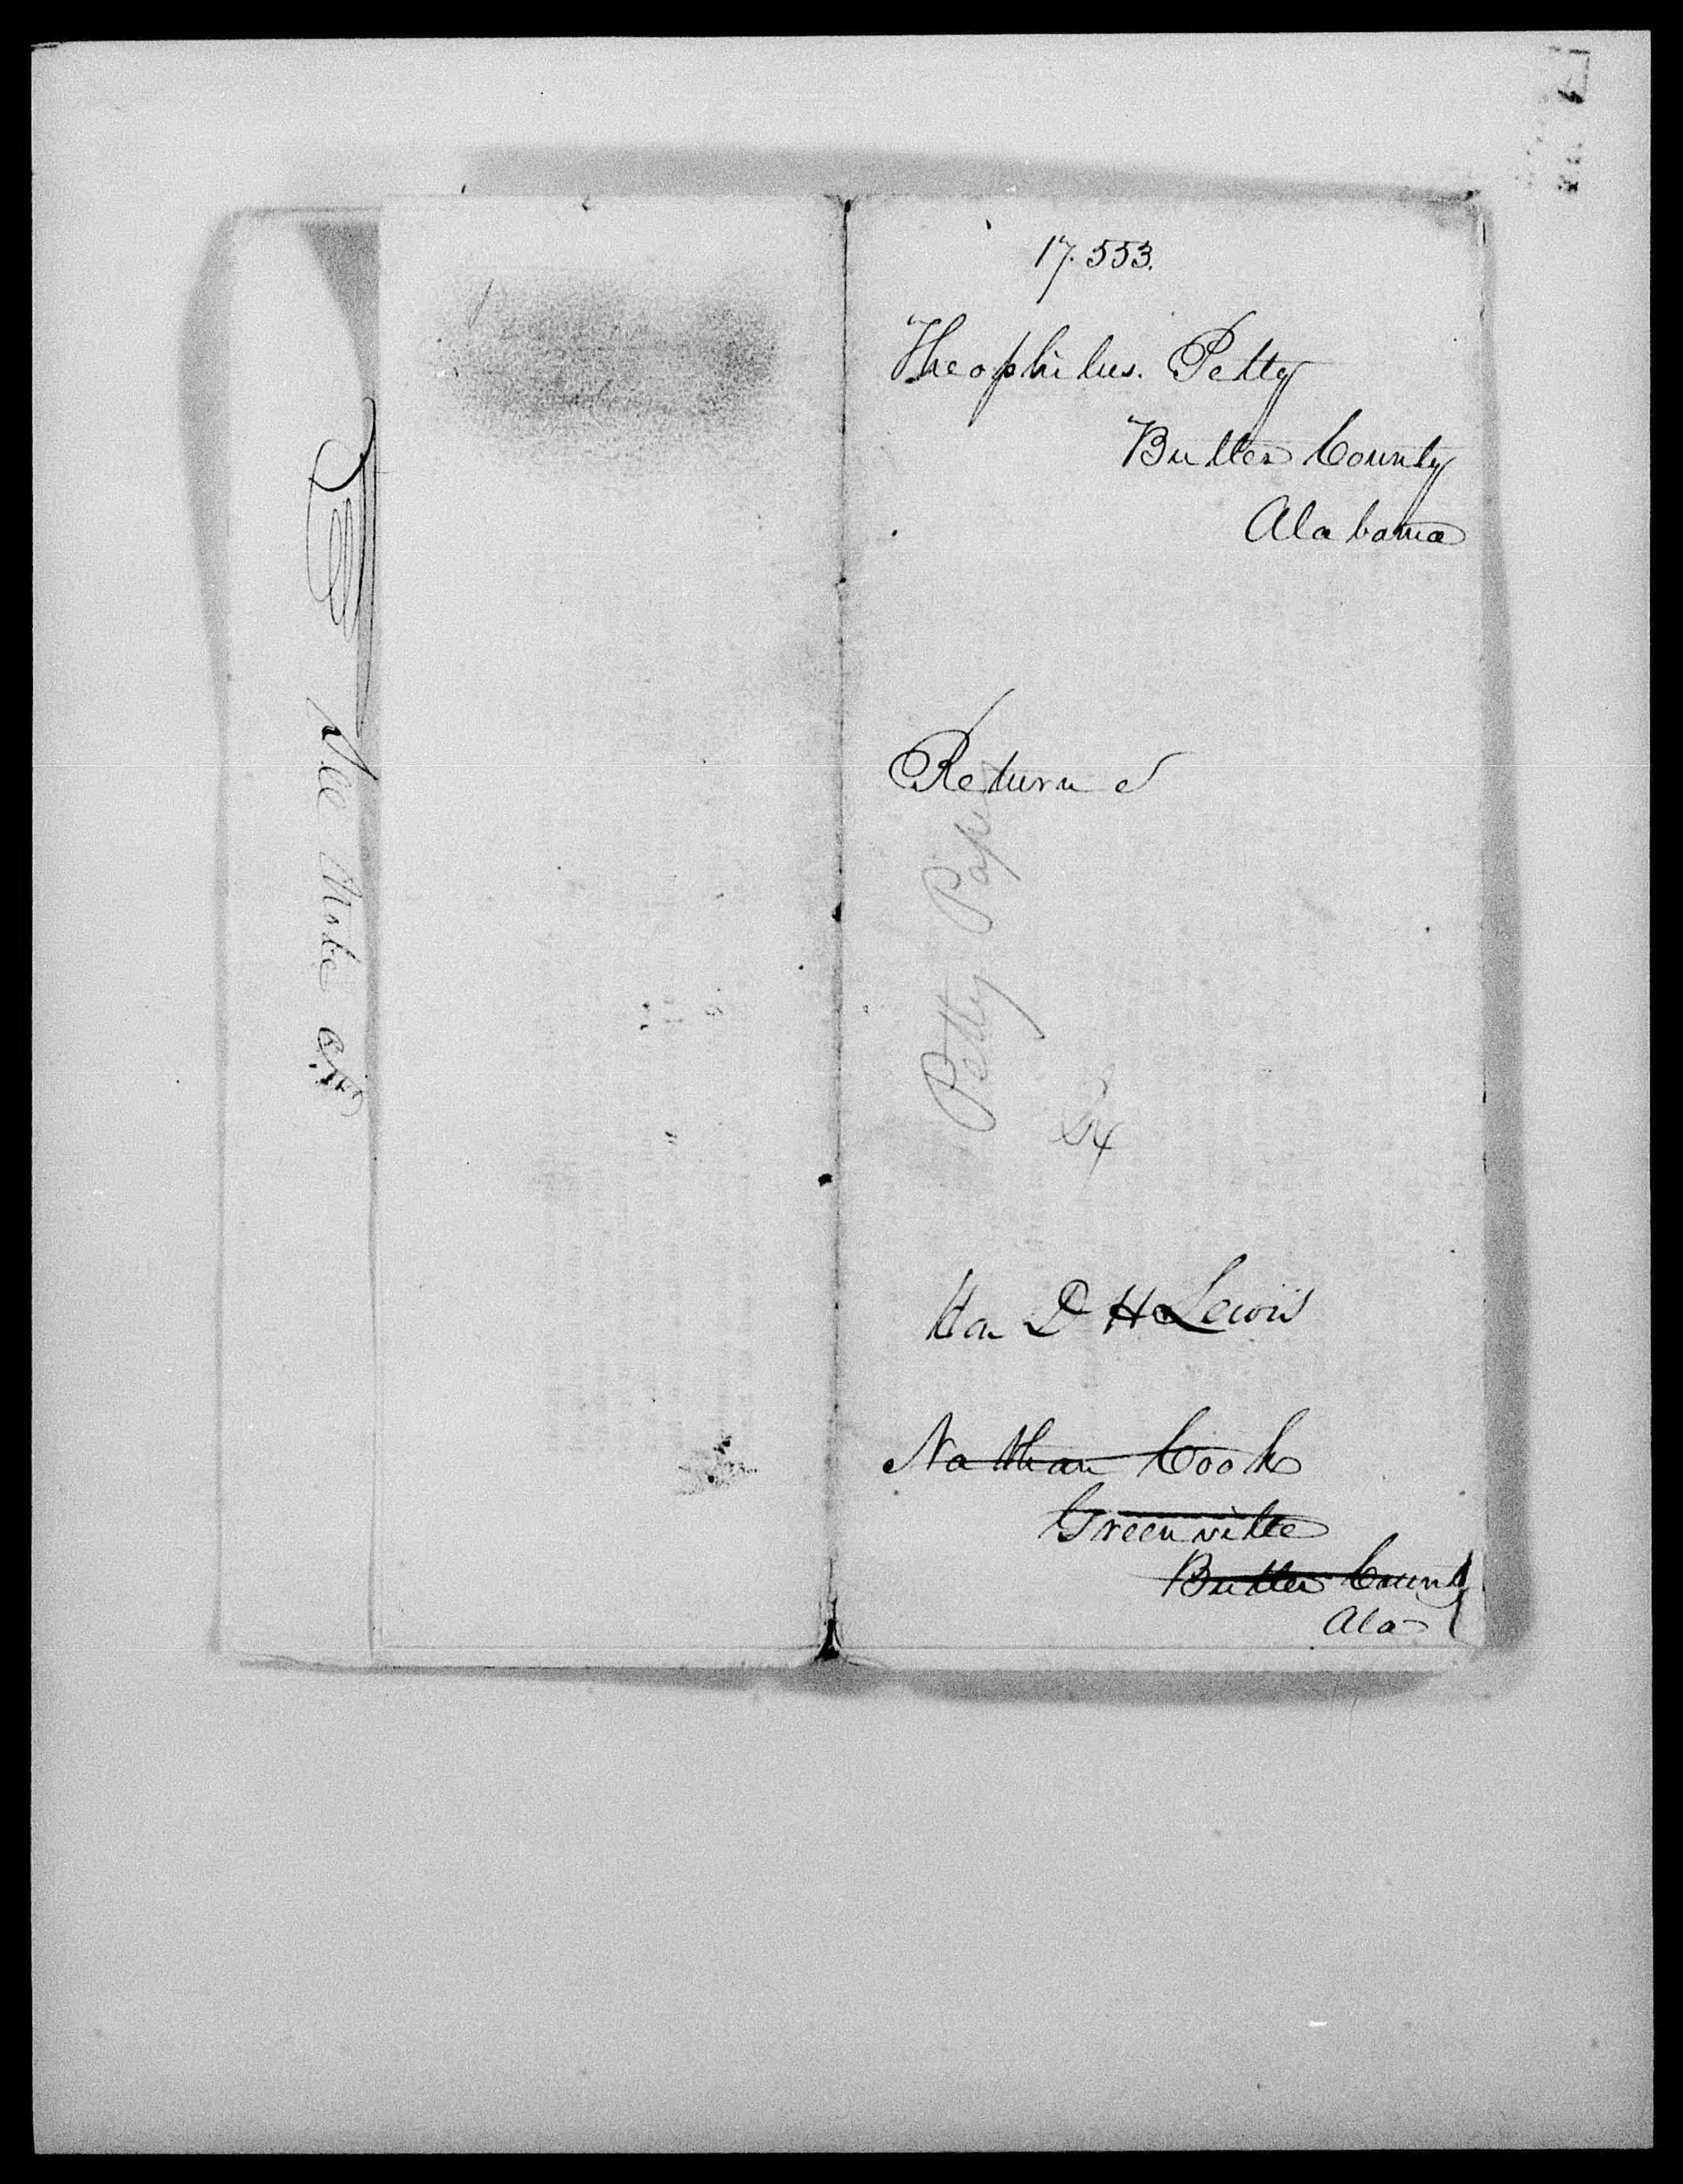17.553
Theophilus Petty
Butler County
Alabama
Returned

Petty Papers
Hon DH Lewis
[crossed out 
No than Cook
Greenville
Butler County]
Ala

see note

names: D H Lewis; Theophilus Petty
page: 2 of 26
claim: rejected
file: R. 8,161, for Theophilus Petty, South Carolina